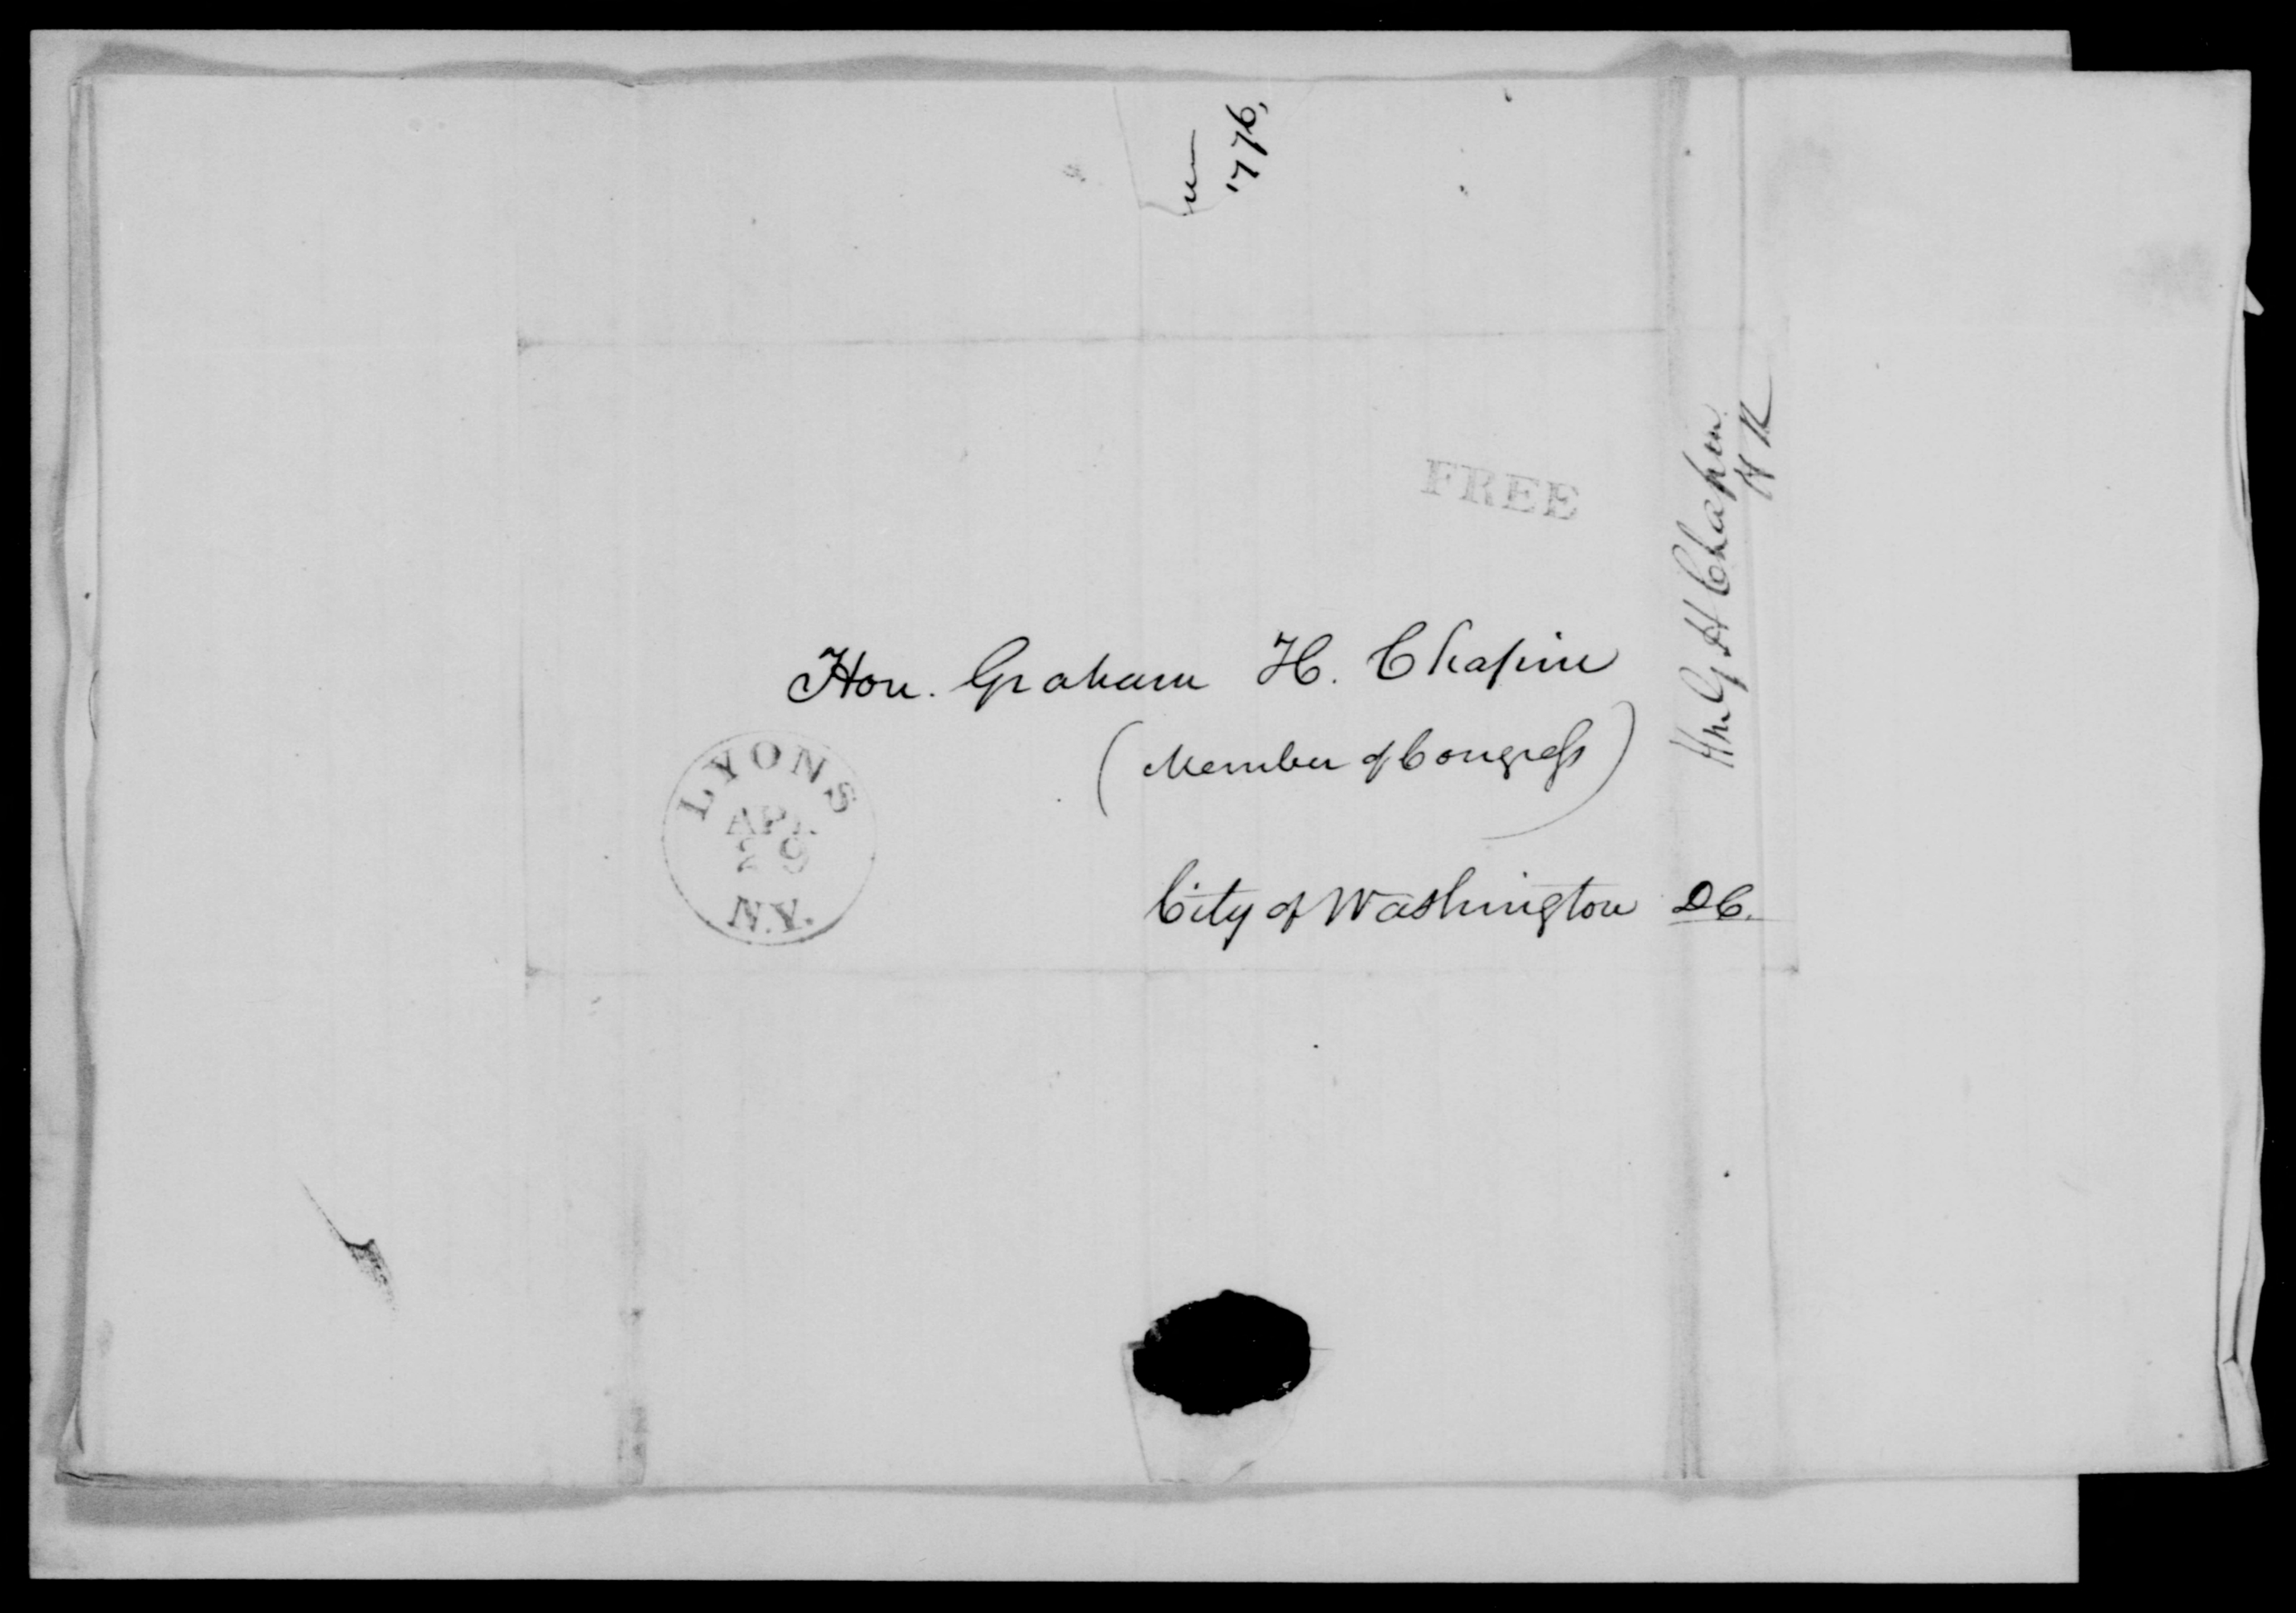[envelope addressed to]
Hon. Graham H. Chapin
(Member of Congress)
City of Washington DC

Postal Stamp: LYONS, NY APR 29

Stamp: FREE

Hon. G.H. Chapim, H.R.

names: Graham H Chapin, G H Chapin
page: 57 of 66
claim: widow's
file: W. 19588, William Walling, New Jersey